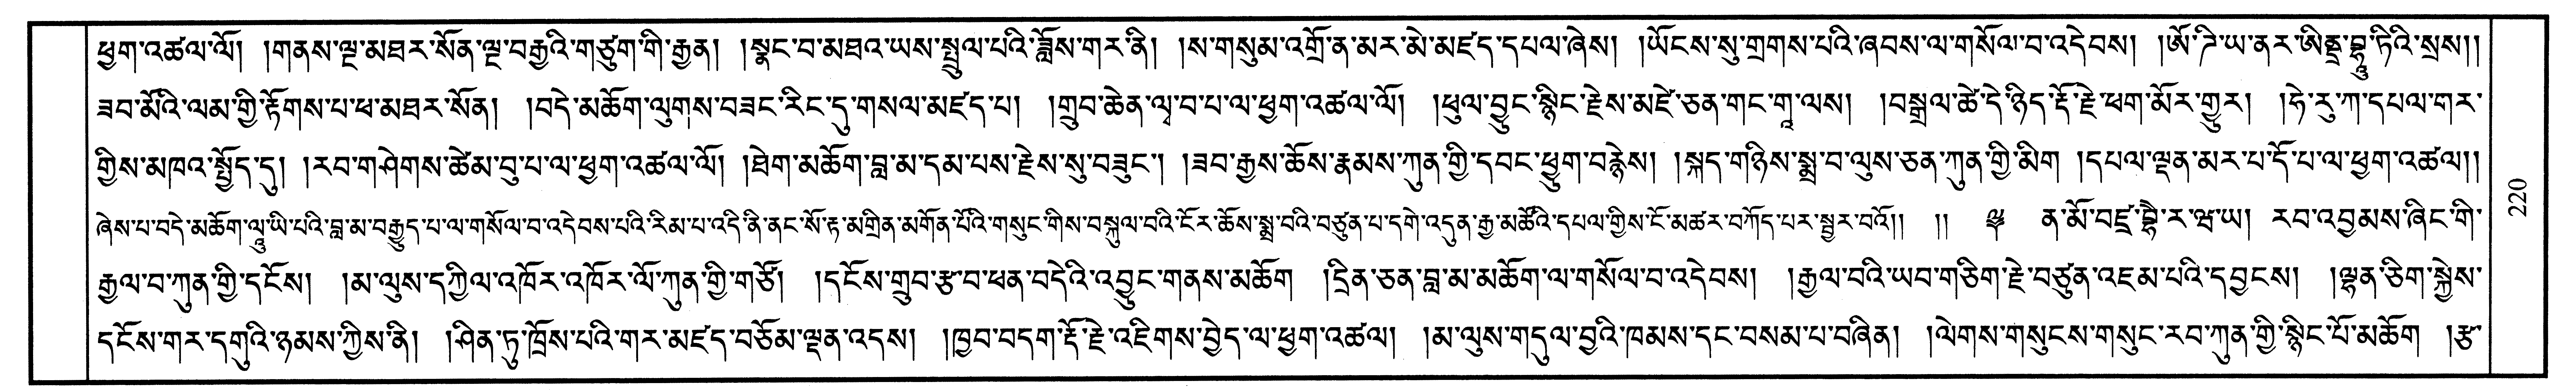ཕྱག་འཚལ་ལོ། །གནས་ལྔ་མཐར་སོན་ལྔ་བརྒྱའི་གཙུག་གི་རྒྱན། །སྣང་བ་མཐའ་ཡས་སྤྲུལ་པའི་ཟློས་གར་ནི། །ས་གསུམ་འགྲོ་ན་མར་མེ་མཛད་དཔལ་ཞེས། །ཡོངས་སུ་གྲགས་པའི་ཞབས་ལ་གསོལ་བ་འདེབས། །ཨོ་ཌི་ཡ་ནར་ཨིནྡྲ་བྷཱུ་ཏིའི་སྲས།།
ཟབ་མོའི་ལམ་གྱི་རྟོགས་པ་ཕ་མཐར་སོན། །བདེ་མཆོག་ལུགས་བཟང་རིང་དུ་གསལ་མཛད་པ། །གྲུབ་ཆེན་ལྭ་བ་པ་ལ་ཕྱག་འཚལ་ལོ། །ཕུལ་བྱུང་སྙིང་རྗེས་མཛེ་ཅན་གང་གཱ་ལས། །བསྒྲལ་ཚེ་དེ་ཉིད་རྡོ་རྗེ་ཕག་མོར་གྱུར། །ཧེ་རུ་ཀ་དཔལ་གར་
གྱིས་མཁའ་སྤྱོད་དུ། །རབ་གཤེགས་ཚེམ་བུ་པ་ལ་ཕྱག་འཚལ་ལོ། །ཐེག་མཆོག་བླ་མ་དམ་པས་རྗེས་སུ་བཟུང་། །ཟབ་རྒྱས་ཆོས་རྣམས་ཀུན་གྱི་དབང་ཕྱུག་བརྙེས། །སྐད་གཉིས་སྨྲ་བ་ལུས་ཅན་ཀུན་གྱི་མིག །དཔལ་ལྡན་མར་པ་དོ་པ་ལ་ཕྱག་འཚལ།།
ཞེས་པ་བདེ་མཆོག་ལཱུ་ཡི་པའི་བླ་མ་བརྒྱུད་པ་ལ་གསོལ་བ་འདེབས་པའི་རིམ་པ་འདི་ནི་ནང་སོ་རྟ་མགྲིན་མགོན་པོའི་གསུང་གིས་བསྐུལ་བའི་ངོར་ཆོས་སྨྲ་བའི་བཙུན་པ་དགེ་འདུན་རྒྱ་མཚོའི་དཔལ་གྱིས་ངོ་མཚར་བཀོད་པར་སྦྱར་བའོ།། །། ༈ ན་མོ་བཛྲ་བྷཻ་ར་ཝ་ཡ། རབ་འབྱམས་ཞིང་གི་
རྒྱལ་བ་ཀུན་གྱི་དངོས། །མ་ལུས་དཀྱིལ་འཁོར་འཁོར་ལོ་ཀུན་གྱི་གཙོ། །དངོས་གྲུབ་རྩ་བ་ཕན་བདེའི་འབྱུང་གནས་མཆོག །དྲིན་ཅན་བླ་མ་མཆོག་ལ་གསོལ་བ་འདེབས། །རྒྱལ་བའི་ཡབ་གཅིག་རྗེ་བཙུན་འཇམ་པའི་དབྱངས། །ལྷན་ཅིག་སྐྱེས་
དངོས་གར་དགུའི་ཉམས་ཀྱིས་ནི། །ཤིན་ཏུ་ཁྲོས་པའི་གར་མཛད་པ་བཅོམ་ལྡན་འདས། །ཁྱབ་བདག་རྡོ་རྗེ་འཇིགས་བྱེད་ལ་ཕྱག་འཚལ། །མ་ལུས་གདུལ་བྱའི་ཁམས་དང་བསམ་པ་བཞིན། །ལེགས་གསུངས་གསུང་རབ་ཀུན་གྱི་སྙིང་པོ་མཆོག །རྩ་